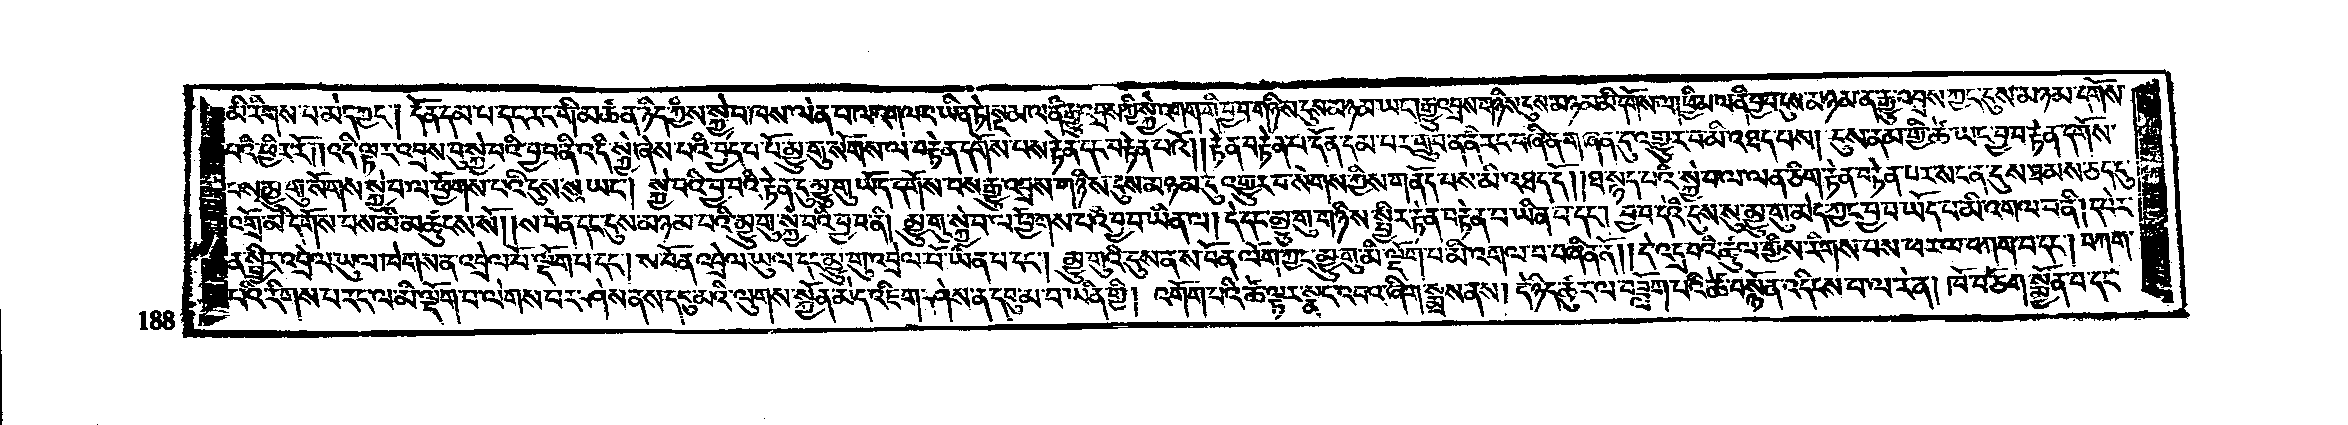མི་རིགས་པ་མེད་ཀྱང་། དོན་དམ་པ་དང་རང་གི་མཚན་ཉིད་ཀྱིས་སྐྱེ་བ་ཁས་ལེན་པ་ལ་འགལ་བ་ཡིན་ཏེ། སྔ་མ་ལ་ནི་རྒྱུ་འབྲས་ཀྱི་སྐྱེ་འགག་གི་བྱ་བ་གཉིས་དུས་མཉམ་ཡང་། རྒྱུ་འབྲས་གཉིས་དུས་མཉམ་མི་དགོས་ལ། ཕྱི་མ་ལ་ནི་བྱ་བ་དུས་མཉམ་ན་རྒྱུ་འབྲས་ཀྱང་དུས་མཉམ་དགོས་
པའི་ཕྱིར་རོ། །འདི་ལྟར་འབྲས་བུ་སྐྱེ་བའི་བྱ་བ་ནི་འདི་སྐྱེ་ཞེས་པའི་བྱེད་པ་པོ་མྱུ་གུ་སོགས་ལ་བརྟེན་དགོས་པས་རྟེན་དང་བརྟེན་པའོ། །རྟེན་བརྟེན་པ་དོན་དམ་པར་གྲུབ་ན་ནི་རང་བཞིན་གཞན་དུ་འགྱུར་བ་མི་འཐད་པས། དུས་ནམ་གྱི་ཚེ་ཡང་བྱ་བ་རྟེན་དགོས་
བས་མྱུ་གུ་སོགས་སྐྱེ་བ་ལ་ཕྱོགས་པའི་དུས་སུ་ཡང་། སྐྱེ་བའི་བྱ་བའི་རྟེན་དུ་མྱུ་གུ་ཡོད་དགོས་པས་རྒྱུ་འབྲས་གཉིས་དུས་མཉམ་དུ་འགྱུར་བ་སོགས་ཀྱིས་གནོད་བས་མི་འཐད་དོ། །ཐ་སྙད་པའི་སྐྱེ་བ་ལ་ལན་ཅིག་རྟེན་བརྟེན་པར་སོང་ན་དུས་ཐམས་ཅད་དུ་
འགྲོ་མི་དགོས་པས་མི་མཚུངས་སོ། །ས་བོན་དང་དུས་མཉམ་པའི་མྱུ་གུ་སྐྱེ་བའི་བྱ་བ་ནི། མྱུ་གུ་སྐྱེ་བ་ལ་ཕྱོགས་པའི་བྱ་བ་ཡིན་ལ། དེ་དང་མྱུ་གུ་གཉིས་སྤྱིར་རྟེན་བརྟེན་པ་ཡིན་བ་དང་། བྱ་བ་དེའི་དུས་སུ་མྱུ་གུ་མེད་ཀྱང་བྱ་བ་ཡོད་པ་མི་འགལ་བ་ནི། དཔེར་
ན་སྤྱིར་འབྲེལ་ཡུལ་ཁེགས་ན་འབྲེལ་པོ་ལྡོག་པ་དང་། ས་བོན་འབྲེལ་ཡུལ་དང་མྱུ་གུ་འབྲེལ་པོ་ཡིན་པ་དང་། མྱུ་གུའི་དུས་ན་ས་བོན་ལོག་ཀྱང་མྱུ་གུ་མི་ལྡོག་པ་མི་འགལ་བ་བཞིན་ནོ། །དེ་འདྲ་བའི་ཚུལ་གྱིས་རིགས་པས་ཕར་ལ་བཀག་པ་དང་། བཀག་
པའི་རིགས་པ་རང་ལ་མི་ལྡོག་པ་ལེགས་པར་ཤེས་ནས་དབུ་མའི་ལུགས་སྐྱོན་མེད་འཇོག་ཤེས་ན་དབུ་མ་པ་ཡིན་གྱི། འགོག་པའི་ཚེ་ལྟར་སྣང་འབའ་ཞིག་སྨྲས་ནས། དེ་ཉིད་ཚུར་ལ་བཟློག་པའི་ཚེ་བསྙོན་འདིངས་པ་ལ་རེ་ན། ཁོ་བོ་ཅག་སྨྱོན་པ་དང་